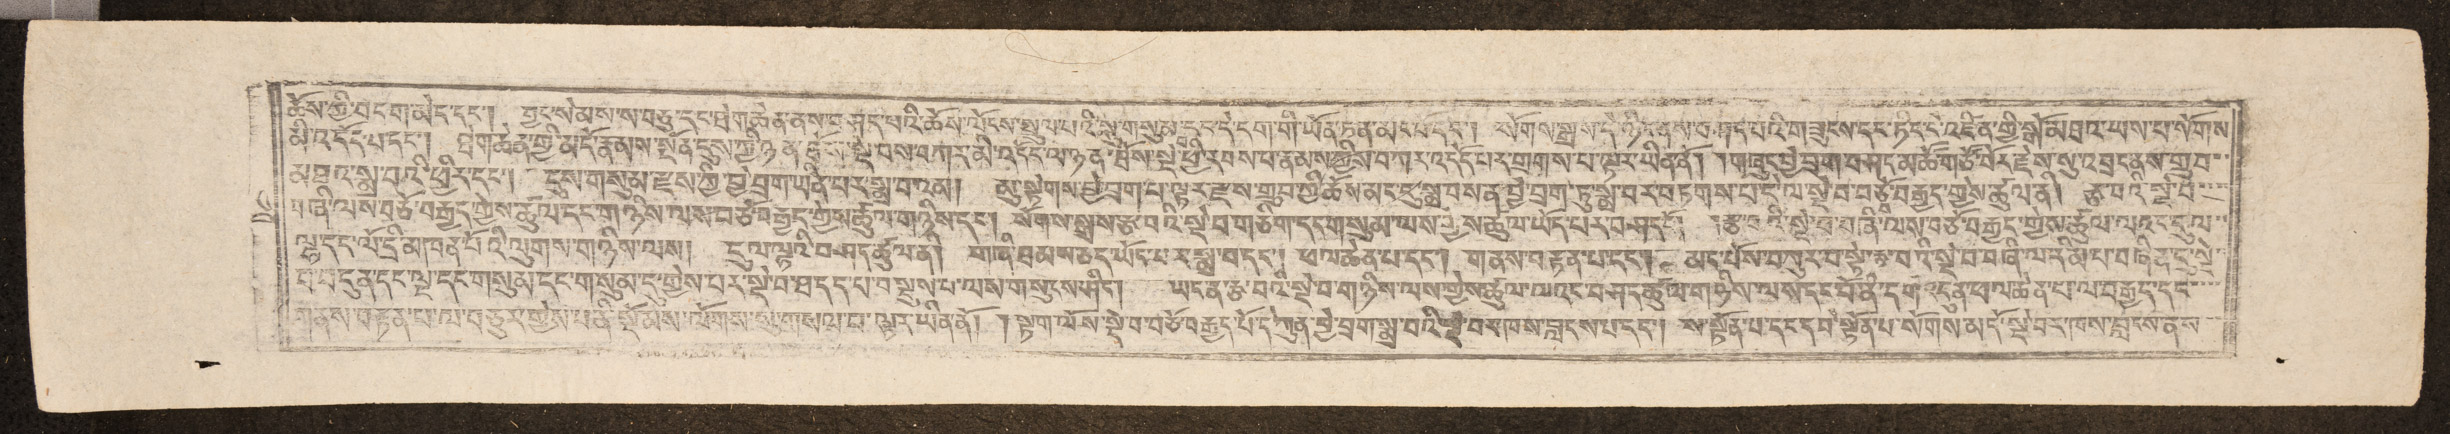ཆོས་ཀྱི་བདག་མེད་དང་། བྱང་སེམས་ས་བཅུ་དང་ཐེག་ཆེན་ནས་བཤད་པའི་ཆོས་ལོངས་སྤྲུལ་པའི་སྐུ་གསུམ་བ་དང་དེ་དག་གི་ཡོན་ཏན་མང་པོ་དང་། སོགས་སྒྲས་དེ་ཉིད་ནས་བཤད་པའི་གཟུངས་དང་ཏིང་ངེ་འཛིན་གྱི་སྒོ་མཐའ་ཡས་པ་སོགས་
མི་འདོད་པ་དང་། ཐེག་ཆེན་གྱི་མདོ་རྣམས་སྔོན་དུས་ཀྱི་ཉན་ཐོས་སྡེ་བས་བཀར་མི་འདོད་ལ་ཉན་ཐོས་སྡེ་ཕྱི་རབས་པ་རྣམས་ཀྱིས་བཀར་འདོད་པར་གྲགས་པ་ལྟར་ཡིན་ནོ། །གཞུང་བྱེ་བྲག་བཤད་མཚོ་གཙོ་བོར་རྗེས་སུ་འབྲང་ནས་གྲུབ་
མཐའ་སྨྲ་བའི་ཕྱིར་དང་། དུས་གསུམ་རྫས་ཀྱི་བྱེ་བྲག་ཡིན་པར་སྨྲ་བའམ། མུ་སྟེགས་བྱེ་བྲག་པ་ལྟར་རྫས་གྲུབ་ཀྱི་ཆོས་མང་དུ་སྨྲ་བས་ན་བྱེ་བྲག་ཏུ་སྨྲ་བར་བཏགས་པ་དེ་ལ་སྡེ་བ་བཅོས་བརྒྱད་གྱེས་ཚུལ་ནི། རྩ་བའི་སྡེ་བ་
བཞི་ལས་བཅོ་བརྒྱད་གྱེས་ཚུལ་དང་གཉིས་ལས་བཅོ་བརྒྱད་གྱེས་ཚུལ་གཉིས་དང་། སོགས་སྒྲས་རྩ་བའི་སྡེ་བ་གཅིག་དང་གསུམ་ལས་གྱེས་ཚུལ་ཡོད་པར་བཤད་དོ། །རྩ་བའི་སྡེ་བ་བཞི་ལས་བཅོ་བརྒྱད་གྱེས་ཚུལ་ལའང་དུལ་
ལྷ་དང་ལོ་དྲི་མཁན་པོའི་ལུགས་གཉིས་ལས། དུལ་ལྷའི་བཤད་ཚུལ་ནི། གཞི་ཐམས་ཅད་ཡོད་པར་སྨྲ་བ་དང་། ཕལ་ཆེན་པ་དང་། གནས་བརྟན་པ་དང་། མང་པོས་བཀུར་བ་སྟེ་རྩ་བའི་སྡེ་བ་བཞི་ལ་རིམ་པ་བཞིན་དུ་སྡེ་
བ་བདུན་དང་ལྔ་དང་གསུམ་དང་གསུམ་དུ་གྱེས་པར་སྡེ་བ་ཐ་དད་པ་བསྡུས་པ་ལས་གསུངས་ཤིང་། ཡང་ན་རྩ་བའི་སྡེ་བ་གཉིས་ལས་གྱེས་ཚུལ་ལའང་བཤད་ཚུལ་གཉིས་ལས་དང་པོ་ནི་དགེ་འདུན་ཕལ་ཆེན་པ་ལ་བརྒྱད་དང་
གནས་བརྟན་པ་ལ་བཅུར་གྱེས་པ་ནི་སྡོམས་ལོགས་སུ་གསལ་བ་ལྟར་ཡིན་ནོ། །སྟག་ལོས་སྡེ་བ་བཅོ་བརྒྱད་པོ་དེ་ཀུན་བྱེ་བྲག་སྨྲ་བའི་སྡེ་བར་ཁས་བླངས་པ་དང་། ས་སྟོན་པ་དང་དཔེ་སྟོན་པ་སོགས་མདོ་སྡེ་བར་ཁས་བླངས་ནས་